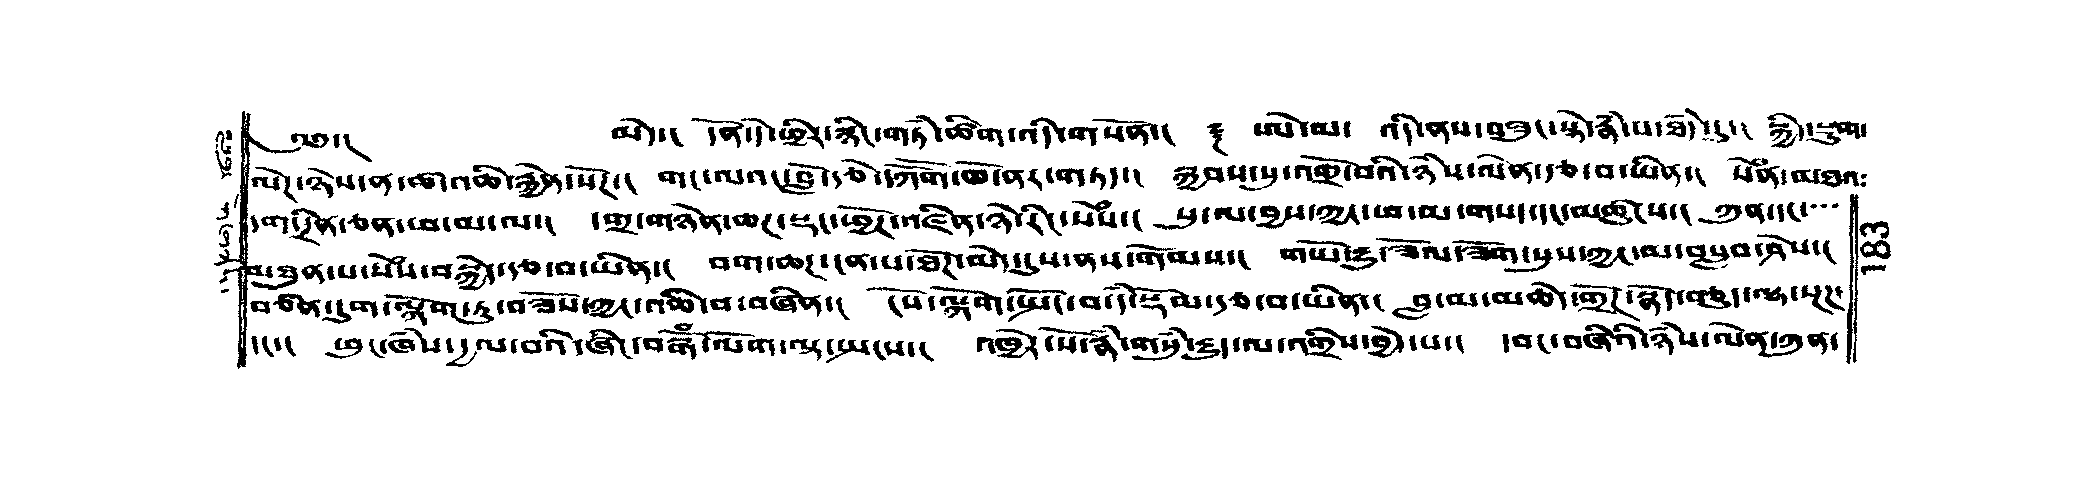མེད། །དོན་དེ་ཕྱིར་སྙིང་གཏམ་ཚིག་འདི་གསོན། ༈ ཨེ་མ། འདི་ནས་བཟུང་སྟེ་རྣམ་པ་ཐམས་ཅད་དུ། །སྐྱིད་སྡུག་
ལེགས་ཉེས་ན་ཚ་འཆི་རྐྱེན་སོགས། །གང་ལའང་བློ་རྩེ་དཀོན་མཆོག་ཁོ་ནར་གཏད། །སྐྱབས་སུ་འགྲོ་བའི་ཉམས་ལེན་རྩ་བ་ཡིན། །སེམས་ཅན་མཐའ་
དག་དྲིན་ཅན་ཕ་མ་ལ། །དགྲ་གཉེན་ཆགས་སྡང་ཕྱོགས་འཛིན་ཉེ་རིང་སེམས། །སུ་ལ་བྱས་ཀྱང་ཕ་མ་གསད་དང་མཚུངས། །ཀུན་དང་
མཐུན་པ་སེམས་བསྐྱེད་རྩ་བ་ཡིན། །བག་ཆགས་ངན་པ་ཐོགས་མེད་དུས་ནས་གོམས། །གཡོ་སྒྱུ་ཟོལ་ཟོག་སུས་ཀྱང་མ་བསླབ་ཤེས། །
བཙན་དུག་ལྐོག་ཏུ་བཟོས་ཀྱང་འཆི་བ་བཞིན། །ངོས་ལྐོག་སྤོང་བ་དམ་སྡོམ་རྩ་བ་ཡིན། །བླ་མ་མཆེད་གྲོགས་སྣོད་བཅུད་ལྷ་སྔགས་
དང་། །ཕུང་ཁམས་རྒྱལ་བའི་ཞིང་བསྒོམ་ལོག་ལྟ་སྤང་། །འཁྱེར་སོ་རྣམ་གསུམ་རྒྱུད་ལ་འགྲིས་བྱེད་པ། །དབང་བཞིའི་ཉམས་ལེན་ཀུན་